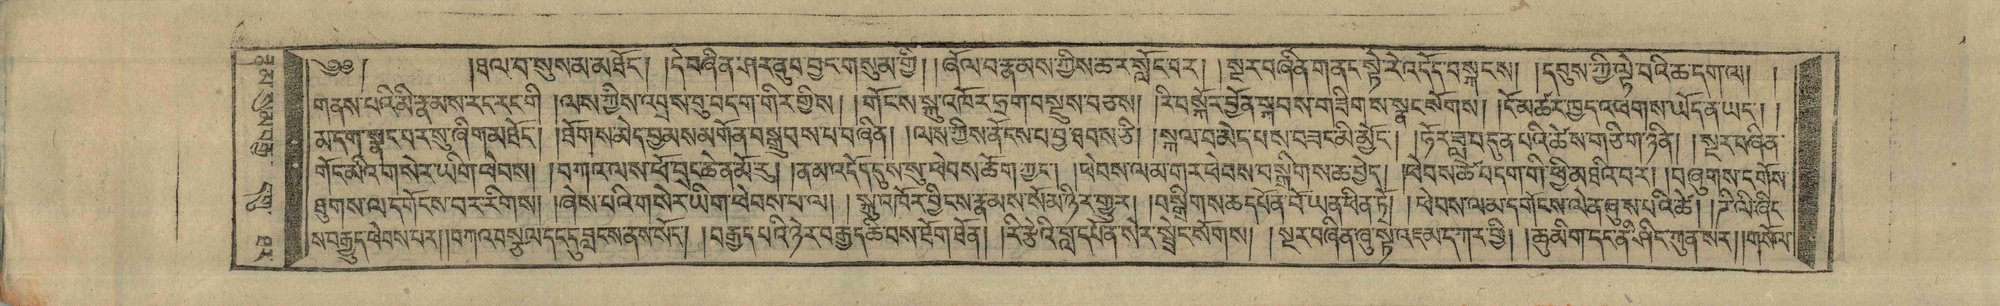༄༅། །ཐལ་བ་སུས་མ་མཐོང་། །དེ་བཞིན་ཤར་ནུབ་བྱང་གསུམ་གྱི། །ཞོལ་བ་རྣམས་ཀྱིས་ཆར་སློང་བར། །སྔར་བཞིན་གནང་སྟེ་རེ་འདོད་བསྐངས། །དབུས་ཀྱི་ལྟེ་བའི་ཆ་དག་ལ། །
གནས་པའི་མི་རྣམས་རང་རང་གི །ལས་ཀྱིས་འབྲས་བུ་བདག་གིར་གྱིས། །གོང་ས་སྐུ་འཁོར་ཧྲག་བསྡུས་བཅས། །རི་བསྐོར་བྱོན་སྐབས་གཟིགས་སྣང་སོགས། །ངོ་མཚར་ཁྱད་འཕགས་ཡོད་ན་ཡང་། །
མ་དག་སྣང་བར་སུ་ཞིག་མཐོང་། །ཐོགས་མེད་བྱམས་མགོན་བསྒྲུབས་པ་བཞིན། །ལས་ཀྱིས་ནོངས་པ་བྱ་ཐབས་ཅི། །སྐལ་བ་མེད་པས་བཟང་མི་མྱོང་། །ཧོར་ཟླ་བདུན་པའི་ཚེས་གཅིག་ཉིན། །སྔར་བཞིན་
གོང་མའི་གསེར་ཡིག་ཕེབས། །བཀའ་ལས་ཕོ་བྲང་ཆེན་མོ་རུ། །ནམ་འདོད་དུས་སུ་ཕེབས་ཆོག་ཀྱང་། །ཕེབས་ལམ་གར་ཕེབས་བསྒྲིགས་ཆ་བྱེད། །ཕེབས་ཚེ་བདག་གི་ཕྱི་མཐའི་བར། །བཞུགས་དགོས་
ཐུགས་ལ་དགོངས་པར་རིགས། །ཞེས་པའི་གསེར་ཡིག་ཕེབས་པ་ལ། །སྐུ་འཁོར་བྱིངས་རྣམས་སོམ་ཉིར་གྱུར། །བསྒྲིགས་ཆ་དཔོན་པོ་ཡིན་ཕིན་ཏོ། །ཕེབས་ལམ་དགོངས་ལེན་ཞུས་པའི་ཚེ། །ཌི་ལི་ཞིང་
ས་བརྒྱུད་ཕེབས་པར། །བཀའ་བསྩལ་དང་དུ་བླངས་ནས་སོང་། །བརྒྱད་པའི་ཉེར་བརྒྱད་ཆི་བས་ཐོག་ཐོན། །རི་རྩེའི་བློ་དཔོན་སེར་སྦྲེང་སོགས། །སྔར་བཞིན་ཞུ་སྟེ་འཇམ་དཀར་གྱི། །ཆུ་མིག་དང་ནི་ཤིང་ཀུན་སར། །གསོལ་